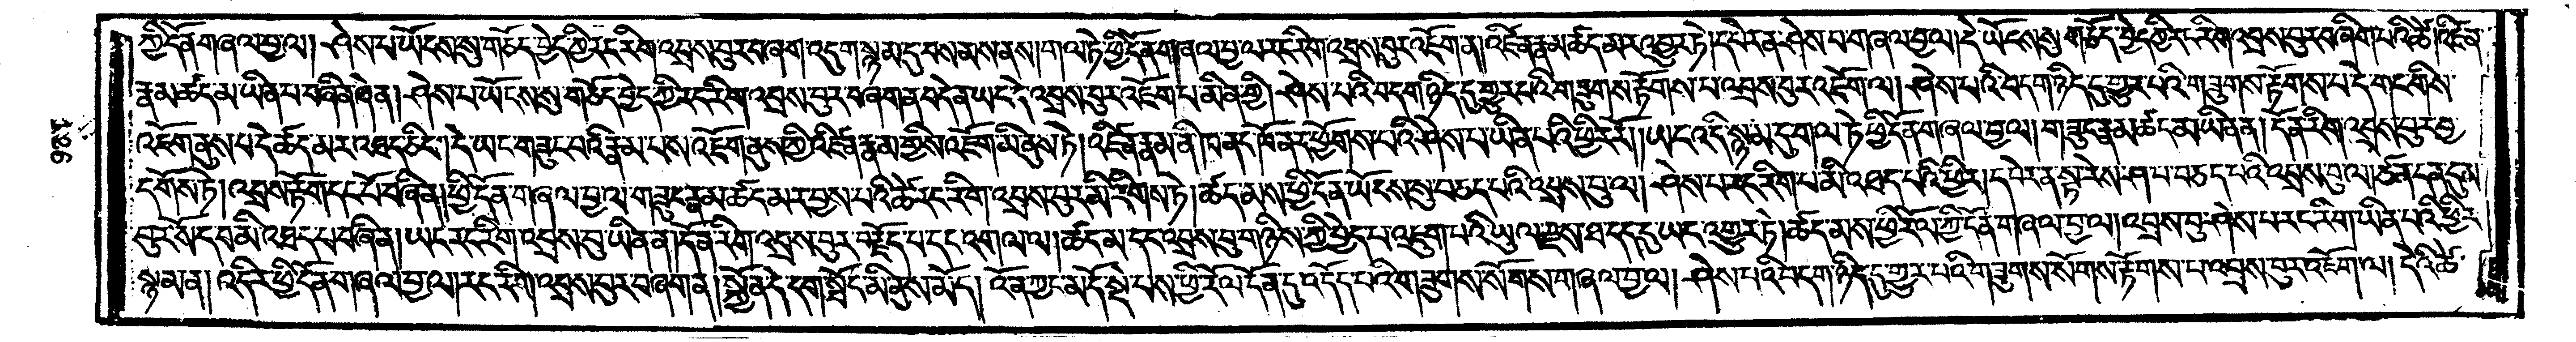ཀྱི་དོན་གཞལ་བྱ་ལ། ཤེས་པ་ཡོངས་སུ་གཅོད་བྱེད་ཀྱི་རང་རིག་འབྲས་བུར་བཞག་འདུག་སྙམ་དུ་བསམས་ནས། གལ་ཏེ་ཕྱི་དོན་གཞལ་བྱ་ལ་རང་རིག་འབྲས་བུར་འཇོག་ན། འཛིན་རྣམ་ཚད་མར་འགྱུར་ཏེ། དཔེར་ན་ཤེས་པ་གཞལ་བྱ་ལ། དེ་ཡོངས་སུ་གཅོད་བྱེད་ཀྱི་རང་རིག་འབྲས་བུར་བཞག་པའི་ཚེ། འཛིན་
རྣམ་ཚད་མ་ཡིན་པ་བཞིན་ཞེ་ན། ཤེས་པ་ཡོངས་སུ་གཅོད་བྱེད་ཀྱི་རང་རིག་འབྲས་བུར་བཞག་ན་བདེན་ཡང་དེ་འབྲས་བུར་འཇོག་པ་མིན་གྱི། ཤེས་པའི་བདག་ཉིད་དུ་གྱུར་པའི་གཟུགས་རྟོགས་པ་འབྲས་བུར་འཇོག་ལ། ཤེས་པའི་བདག་ཉིད་དུ་གྱུར་པའི་གཟུགས་རྟོགས་པ་དེ་གང་གིས་
འཇོག་ནུས་པ་དེ་ཚད་མར་འཐད་ཅིང་། དེ་ཡང་གཟུང་བའི་རྣམ་པས་འཇོག་ནུས་ཀྱི་འཛིན་རྣམ་གྱིས་འཇོག་མི་ནུས་ཏེ། འཛིན་རྣམ་ནི་ཁ་ནང་ཁོ་ནར་ཕྱོགས་པའི་ཤེས་པ་ཡིན་པའི་ཕྱིར་རོ། །ཡང་འདི་སྙམ་དུ་གལ་ཏེ་ཕྱི་དོན་གཞལ་བྱ་ལ། གཟུང་རྣམ་ཚད་མ་ཡིན་ན། དོན་རིག་འབྲས་བུར་བྱ་
དགོས་ཏེ། འབྲས་རྟོག་དང་པོ་བཞིན། ཕྱི་དོན་གཞལ་བྱ་ལ་གཟུང་རྣམ་ཚད་མར་བྱས་པའི་ཚེ་རང་རིག་འབྲས་བུར་མི་རིགས་ཏེ། ཚད་མས་ཕྱི་དོན་ཡོངས་སུ་བཅད་པའི་འབྲས་བུ་ལ། ཤེས་པ་རང་རིག་པ་མི་འཐད་པའི་ཕྱིར། དཔེར་ན་སྟ་རེས་ཤ་པ་བཅད་པའི་འབྲས་བུ་ལ། ཙན་དན་དུམ་
བུར་སོང་བ་མི་འཐད་པ་བཞིན། ཡང་རང་རིག་འབྲས་བུ་ཡིན་ན། དོན་རིག་འབྲས་བུར་བརྗོད་པ་དང་འགལ་ལ། ཚད་མ་དང་འབྲས་བུ་གཉིས་ཀྱི་བྱེད་པ་འཇུག་པའི་ཡུལ་རྫས་ཐ་དད་དུ་ཡང་འགྱུར་ཏེ། ཚད་མས་ཕྱི་རོལ་གྱི་དོན་གཞལ་བྱ་ལ། འབྲས་བུ་ཤེས་པ་རང་རིག་ཡིན་པའི་ཕྱིར་
སྙམ་ན། འདིར་ཕྱི་དོན་གཞལ་བྱ་ལ། རང་རིག་འབྲས་བུར་བཞག་ན། སྐྱོན་དེ་དག་སྤོང་མི་ནུས་མོད། འོན་ཀྱང་མདོ་སྡེ་པས་ཕྱི་རོལ་དོན་དུ་འདོད་པའི་གཟུགས་སོགས་གཞལ་བྱ་ལ། ཤེས་པའི་བདག་ཉིད་དུ་གྱུར་པའི་གཟུགས་སོགས་རྟོགས་པ་འབྲས་བུར་འཇོག་ལ། དེའི་ཚེ་